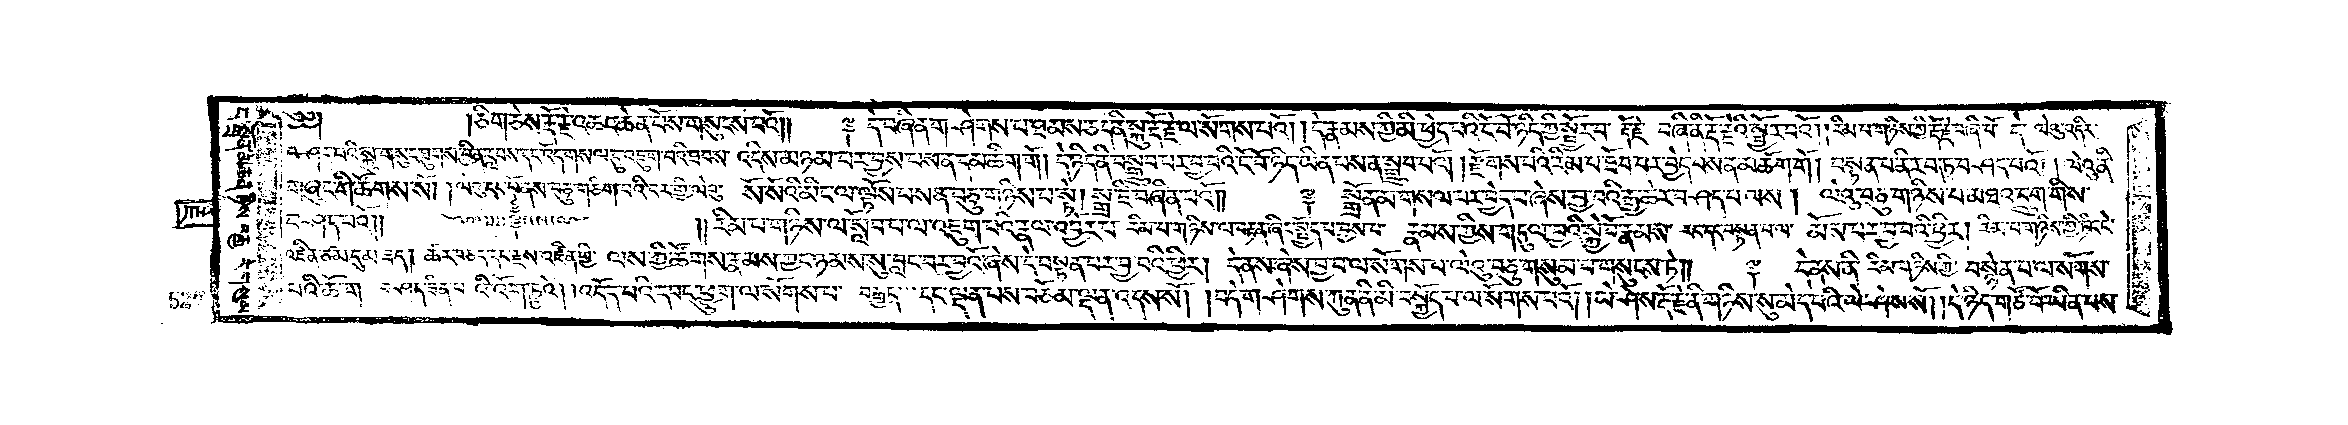༄༅། །ཅིག་ཅེས་རྡོ་རྗེ་འཆང་ཆེན་པོས་གསུངས་པའོ།། ༈ དེ་བཞིན་གཤེགས་པ་ཐམས་ཅད་ནི་སྐུ་རྡོ་རྗེ་ལ་སོགས་པའོ། །དེ་རྣམས་ཀྱི་མི་ཕྱེད་པའི་ངོ་བོ་ཉིད་ཀྱི་སྦྱོར་བ་རྡོ་རྗེ་བཞི་ནི་རྡོ་རྗེའི་སྦྱོར་བའོ། །རིམ་པ་གཉིས་ཀྱི་རྡོ་རྗེ་བཞི་པོ་དེ་ལེའུ་འདིར་
བཤད་པའི་སྐུ་གསུང་ཐུགས་བྱིན་རླབས་དང་འོད་གསལ་དུ་འཇུག་པའི་ཐབས་འདིས་མཉམ་པར་བྱས་པས་ན་དམ་ཚིག་གོ །དེ་ཉིད་ནི་བསྒྲུབ་པར་བྱ་བའི་ངོ་བོ་ཉིད་ཡིན་པས་ན་སྒྲུབ་པའོ། །རྫོགས་པའི་རིམ་པ་ཐོབ་པར་བྱེད་པས་ན་མཆོག་གོ །བསྟན་པ་ནི་རབ་ཏུ་བཤད་པའོ། །ལེའུ་ནི་
གཞུང་གི་ཚོགས་སོ། ། ལེའུ་དང་པོ་ནས་བཅུ་གཅིག་པའི་བར་གྱི་ལེའུ་སོ་སོའི་མིང་ལ་ལྟོས་པས་ན་བཅུ་གཉིས་པ་སྟེ། སྒྲ་ཇི་བཞིན་པའོ།། ༈ སྒྲོན་མ་གསལ་བར་བྱེད་པ་ཞེས་བྱ་བའི་རྒྱ་ཆེར་བཤད་པ་ལས། ལེའུ་བཅུ་གཉིས་པ་མཐའ་དྲུག་གིས་
བཤད་པའོ།། ༆་།།རིམ་པ་གཉིས་ལ་སློབ་པ་ལ་འཇུག་པའི་རྣལ་འབྱོར་པ་རིམ་པ་གཉིས་ལ་བརྟན་ཞིང་སྤྱོད་པ་བྱས་པ་རྣམས་ཀྱིས་གདུལ་བྱའི་སྐྱེ་བོ་རྣམས་རང་དང་བསྟན་པ་ལ་མོས་པར་བྱ་བའི་ཕྱིར། རིམ་པ་གཉིས་ཀྱི་ཏིང་ངེ་
འཛིན་ཙམ་དུ་མ་ཟད། ཚོར་བཅད་དང་རྫས་འཛིན་གྱི་ལས་ཀྱི་ཚོགས་རྣམས་ཀྱང་ཉམས་སུ་བླང་བར་བྱའོ་ཞེས་དེ་བསྟན་པར་བྱ་བའི་ཕྱིར། དེ་ནས་ཞེས་བྱ་བ་ལ་སོགས་པ་ལེའུ་བཅུ་གསུམ་པ་གསུངས་ཏེ།། ༈ དེ་ནས་ནི་རིམ་གཉིས་ཀྱི་བསྙེན་པ་ལ་སོགས་
པའི་ཆོ་ག་བཤད་ཟིན་པའི་འོག་ཏུའོ། །འདོད་པའི་དབང་ཕྱུག་ལ་སོགས་པ་བརྒྱད་དང་ལྡན་པས་བཅོམ་ལྡན་འདས་སོ། །བདེ་གཤེགས་ཀུན་ནི་མི་བསྐྱོད་པ་ལ་སོགས་པའོ། །ཡེ་ཤེས་རྡོ་རྗེ་ནི་གཉིས་སུ་མེད་པའི་ཡེ་ཤེས་སོ། །དེ་ཉིད་གཙོ་བོ་ཡིན་པས་